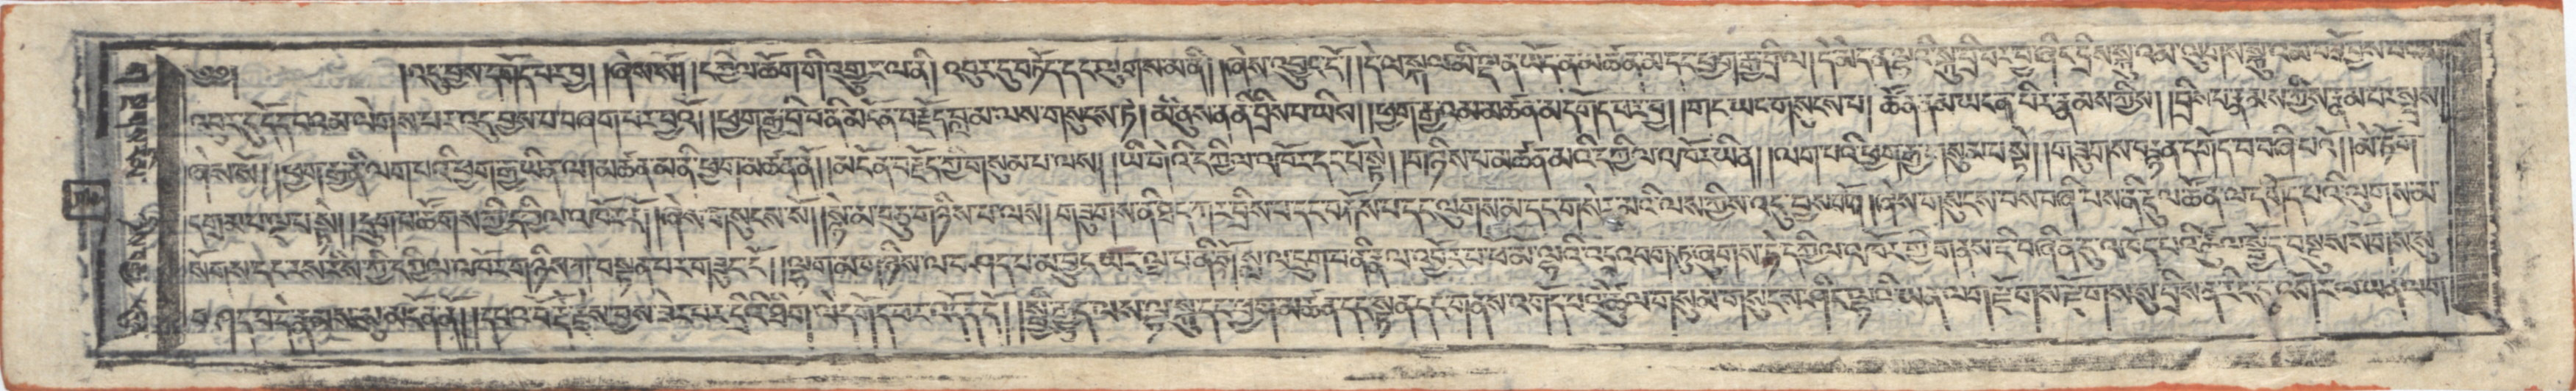༄༅། །འདུ་བྱས་དགོད་པར་བྱ། །ཞེས་སོ། །དཀྱིལ་ཆོག་གི་འགྱུར་ལ་ནི། འབུར་དུ་བཏོད་དང་ལུགས་མ་ནི། །ཞེས་འབྱུང་ངོ། །དེ་ལ་སྐལ་མི་ལྡན་ཡོད་ན་མཚན་མ་དང་ཕྱག་རྒྱ་བྲི་ལ། དེ་མེད་ན་ལྷའི་སྐུ་བྲི་བར་བྱ་ཞིང་བྲིས་སྐུ་འམ་ལུགས་སྐུ་འམ་བཟོ་བྱས་པའམ་
འབུར་དུ་དོད་པའམ་ལེགས་པར་འདུ་བྱས་པ་བཞག་པར་བྱའོ། །ཕྱག་རྒྱ་བྲི་བ་ནི་མངོན་བརྗོད་བླ་མ་ལས་གསུངས་ཏེ། མི་ནུས་ན་ནི་བྲིས་པ་ཡིས། །ཕྱག་རྒྱ་འམ་མཚན་མ་དགོད་པར་བྱ། །གང་ཡང་གསུངས་པ། ཚོན་ནམ་ཡང་ན་པིར་རྣམས་ཀྱིས། །བྲིས་པ་རྣམས་ཀྱིས་རྣམ་པར་སྤྲས།
ཞེས་སོ། །ཕྱག་རྒྱ་ནི་ལག་པའི་ཕྱག་རྒྱ་ཡིན་ལ། མཚན་མ་ནི་ཕྱག་མཚན་ནོ། །མངོན་བརྗོད་ཀྱི་གསུམ་པ་ལས། །ཡི་གེའི་དཀྱིལ་འཁོར་དང་པོ་སྟེ། །གཉིས་པ་མཚན་མའི་དཀྱིལ་འཁོར་ཡིན། །ལག་པའི་ཕྱག་རྒྱ་གསུམ་པ་སྟེ། །གཟུགས་བརྙན་དགོད་པ་བཞི་པའོ། །མེ་ཏོག་
དགྲམ་པ་ལྔ་པ་སྟེ། །དྲུག་པ་ཚོགས་ཀྱི་དཀྱིལ་འཁོར་རོ། །ཞེས་གསུངས་སོ། །སྙེ་མ་བཅུ་གཉིས་པ་ལས། གཟུགས་ནི་ཐད་ཀར་བྲིས་པ་དང་བརྐོས་པ་དང་ལུགས་མ་དང་གསེར་མའི་ལས་ཀྱིས་འདུ་བྱས་པའོ། །ཞེས་གསུངས་པས་བཞི་པས་ནི་རྡུལ་ཚོན་ལ་དགོད་པའི་ལུགས་མ་
སོགས་དང་རས་རིས་ཀྱི་དཀྱིལ་འཁོར་གཉིས་ཀ་བསྟན་པར་གཟུང་ངོ། །ལྷག་མ་གཉིས་ལ་བཤད་པ་མ་བྱུང་ཡང་ལྔ་པ་ནི་གོ་སླ་ལ་དྲུག་པ་ནི་རྣལ་འབྱོར་པ་ཕོ་མོ་ལྷའི་འདྲ་འབག་ཏུ་ཞུགས་ཏེ་དཀྱིལ་འཁོར་གྱི་གནས་ཇི་བཞིན་དུ་འཁོད་པའི་ཚུལ་སྤྱོད་བསྡུས་སོགས་སུ་
བཤད་པ་དེ་རྣམས་སུ་མངོན་ནོ། །དཔའ་བོ་རྡོ་རྗེས་བྱས་ཟེར་པར་དྲིའི་ཐིག་ལེ་དགོད་པར་འདོད་དོ། །སྤྱི་རྒྱུད་ལས་ལྷ་སྐུ་དང་ཕྱག་མཚན་དང་སྟན་དང་གནས་འགོད་པའི་ཚུལ་གསུམ་གསུངས་ཤིང་ལྷའི་ཡན་ལག་རྫོགས་རྫོགས་སུ་བྲིས་ན་རིང་དུ་འགོར་ལ་ཡན་ལག་